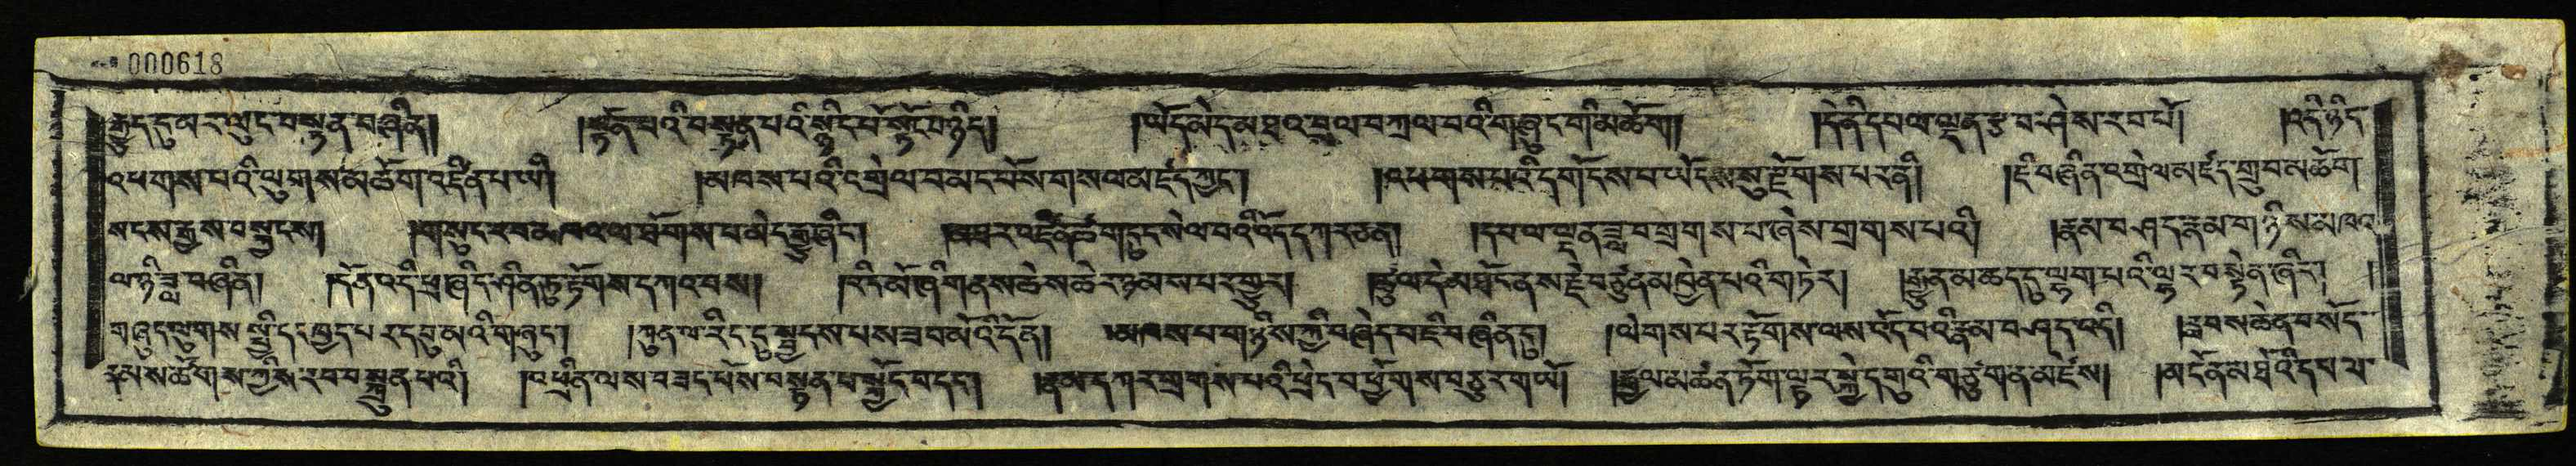རྒྱུད་དུ་མར་ལུང་བསྟན་བཞིན། །སྟོན་བའི་བསྟན་པའི་སྙིང་པོ་སྟོང་པ་ཉིད། །ཡོད་མེད་མཐའ་བྲལ་བཀྲལ་བའི་གཞུང་གི་མཆོག། །དེ་ནི་དཔལ་ལྡན་རྩ་བ་ཤེས་རབ་པོ། །འདི་ཉིད་
འཕགས་པའི་ལུགས་མཆོག་འཛིན་པ་ཡི། །མཁས་པའི་འགྲེལ་བ་མང་པོས་གསལ་མཛད་ཀྱིས། །འཕགས་པའི་དགོངས་པ་ཡོངས་སུ་རྫོགས་པར་ནི། །ཇི་བཞིན་འགྲེལ་མཛད་གྲུབ་མཆོག་
སངས་རྒྱས་བསྐྱངས། །གསུང་རབ་མཁའ་ལ་ཐོགས་པ་མེད་རྒྱུ་ཞིང་། །མཐར་འཛིན་ཚ་གདུང་སེལ་བའི་འོད་དཀར་ཅན། །དཔལ་ལྡན་ཟླ་བ་གྲགས་པ་ཞེས་གྲགས་པའི། །རྣམ་བཤད་རྣམ་གཉིས་མཁའ་
ལ་ཉི་ཟླ་བཞིན། །དོན་འདི་ཕྲ་ཞིང་ཤིན་ཏུ་རྟོགས་དཀའ་བས། །རིང་མོ་ཞིག་ནས་ཆེས་ཆེར་ཉམས་པར་གྱུར། །ཚུལ་དེ་མཐོང་ནས་རྗེ་བཙུན་མཁྱེན་པའི་གཏེར། །རྒྱུན་མ་ཆད་དུ་ལྷག་པའི་ལྷར་བསྟེན་ཞིང་། །
གཞུང་ལུགས་སྤྱི་དང་ཁྱད་པར་དབུ་མའི་གཞུང་། །ཀུན་ལ་རིང་དུ་སྦྱངས་པས་ཟབ་མོའི་དོན། །མཁས་པ་གཉིས་ཀྱི་བཞེད་བ་བཞིན་དུ། །ལེགས་པར་རྟོགས་ལས་འོང་བའི་རྣམ་བཤད་འདི། །རླབས་ཆེན་བསོད་
ནམས་ཚོགས་ཀྱིས་རབ་བསྐྲུན་པའི། །འཕྲིན་ལས་བཟང་པོས་བསྟན་པ་སྐྱོང་བ་དང་། །རྣམ་དཀར་གྲགས་པའི་ཕྲེང་བ་ཕྱོགས་བཅུར་གཡོ། །རྒྱལ་མཚན་ཏོག་ལྟར་སྐྱེ་དགུའི་གཙུག་ན་མཛེས། །མངོན་མཐོའི་དཔལ་